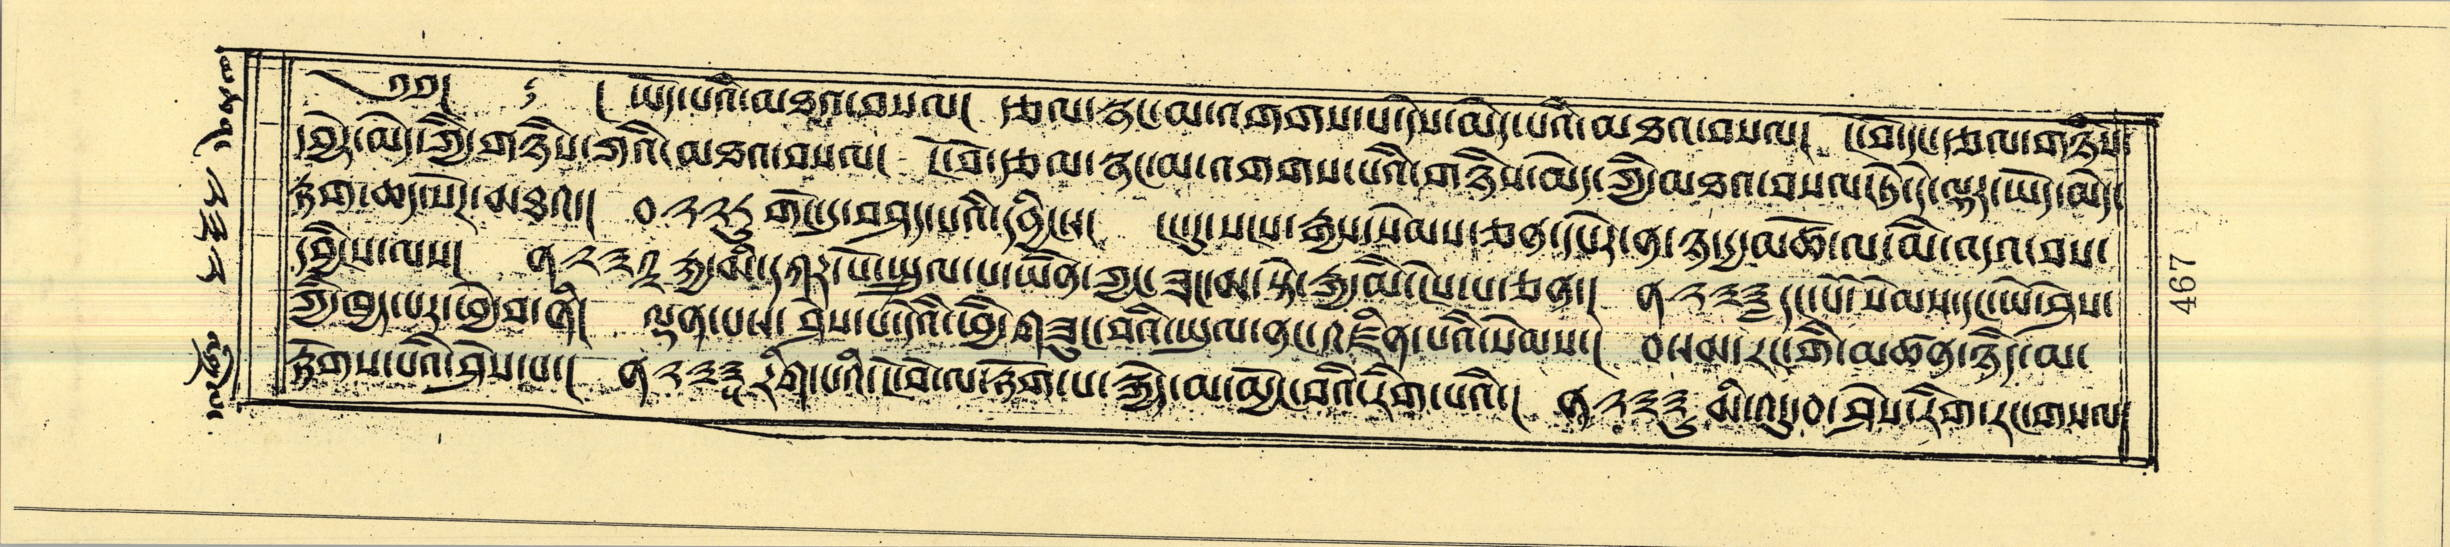ཡོད་པའི་མཐའ་བསལ། རྩལ་སྣང་མ་འགག་པ་དེས་མེད་པའི་མཐའ་བསལ། ངོ་བོ་དང་རྩལ་གཉིས་
དབྱེར་མེད་ཀྱིས་གཉིས་ཀའི་མཐའ་བསལ། ངོ་བོ་རྩལ་སྣང་མ་འགག་པས་གཉིས་མེད་ཀྱི་མཐའ་བསལ་ཏེ་དེ་ལྟར་ཡོད་མེད་
རྟག་ཆད་སོགས་༼མཐའ༽བ༢༢༨།༩གོང་དུ་བཤད་པའི་༼དབྱིངས༽ངང་དུ་སངས་རྒྱས་སེམས་ཅན་དཔེར་ན་ཉ་རྒྱ་མཚོ་ལས་མི་འདའ་བས་
དབྱིངས་ལས་ན༢༣༡།༢༼རྐྱ་མི་དཀར་པོ༽སྤྲུལ་པ་ཡིན་ཀྱང་༼ཟང་མ་སྟེ༽རྐྱ་མི་ངེས་པ་ཅན་ན༢༢༣།༤༼དང་པོ༽སེམས་དང་ཡེ་ཤེས་
ཀྱི་ཁྱད་པར་ཕྱེ་བ་ནི་༼ལྡན་པས༽ཤེས་པ་དེའི་༼ཕྱི་གཟུང་༽བའི་ཡུལ། ནང་འཛིན་པའི་སེམས་ ༼བསམ༽རང་གི་མཚན་ཉིད་མ་
རྟོགས་པའི་ཤེས་པ་ན༢༢༣།༥༼རིག་པའི༽ངོ་བོ་ལ་རྟོག་པ་སྐྱེད་མ་མྱོང་བའི་རིག་པའི་ན་༢༣༣།༦༼མི་འདུ་བ༽ཤེས་རིག་རང་གསལ་